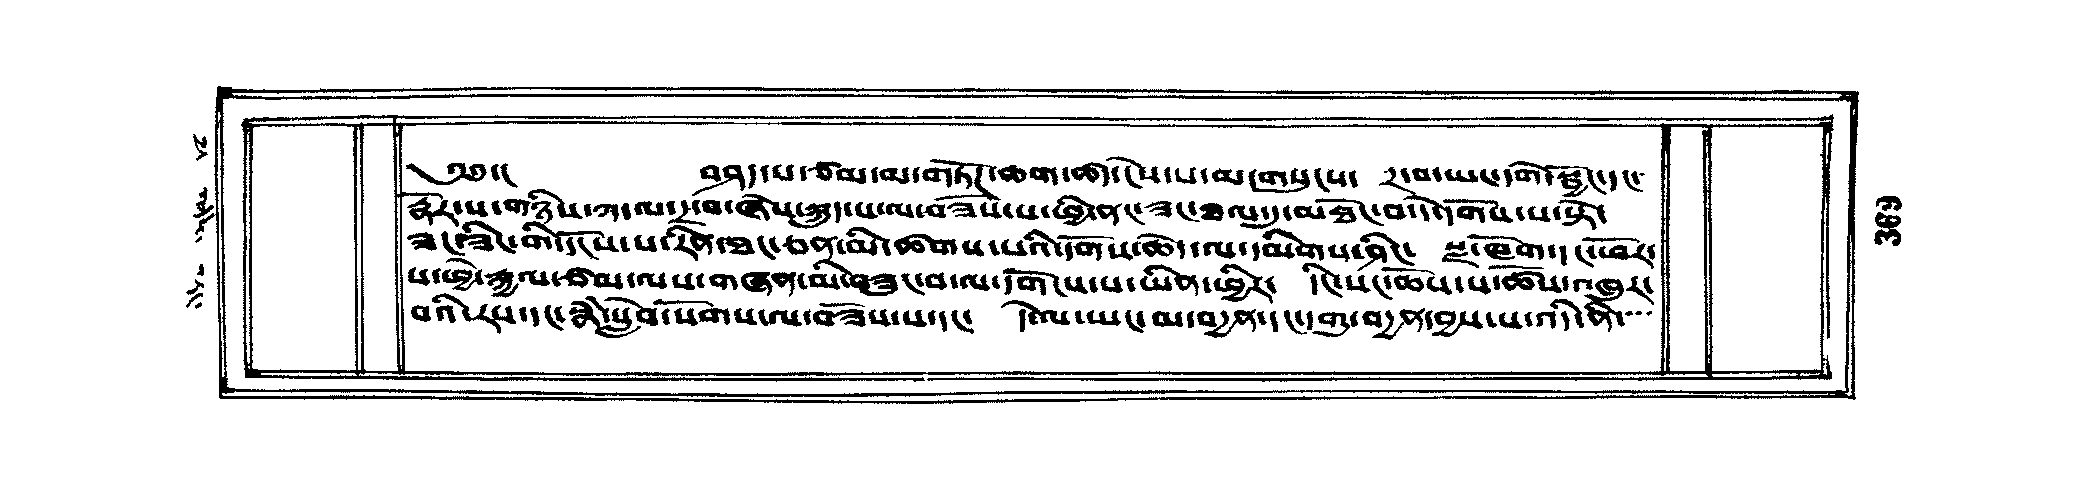བཤད་པ་ཙམ་མ་གཏོགས་ཆག་ཚད་ངེས་པ་མ་གསུངས། དྲ་བ་ཡང་དགེ་སྦྱོང་དང་
རྣོར་པ་གཉིས་ཀ་ལ་དྲ་བ་ཞེས་སྐུད་པ་ལ་བཟོས་པ་ཕྱི་ནང་ཟང་ཐལ་དུ་མཐོང་བ་དེ་དགོས་པ་སྟེ། 
ཟང་ཟིང་གི་དངོས་པོ་རིན་ཆེན་ཐང་ཅན་མི་ཚགས་པའི་དགོས་ཆེད་ལ་དམིགས་ཤིང་། རྫ་ཁོག་དང་ཕོར་
པ་ཕྱེ་རྐྱལ་ཙམ་ལས་གཞན་མི་བཟུང་བ་ལ་དགོངས་པ་ཡིན་ཕྱིར། དིང་སང་ཆོས་པ་ཚོས་འཁུར་
བའི་རས་དང་རྣམ་སླེབ་སོགས་ལ་བཟོས་པ་དང་། དེ་ལ་ཡང་མ་བརྒྱན་དང་དགུ་བརྒྱན་བྱས་པ་འདི་ནི་